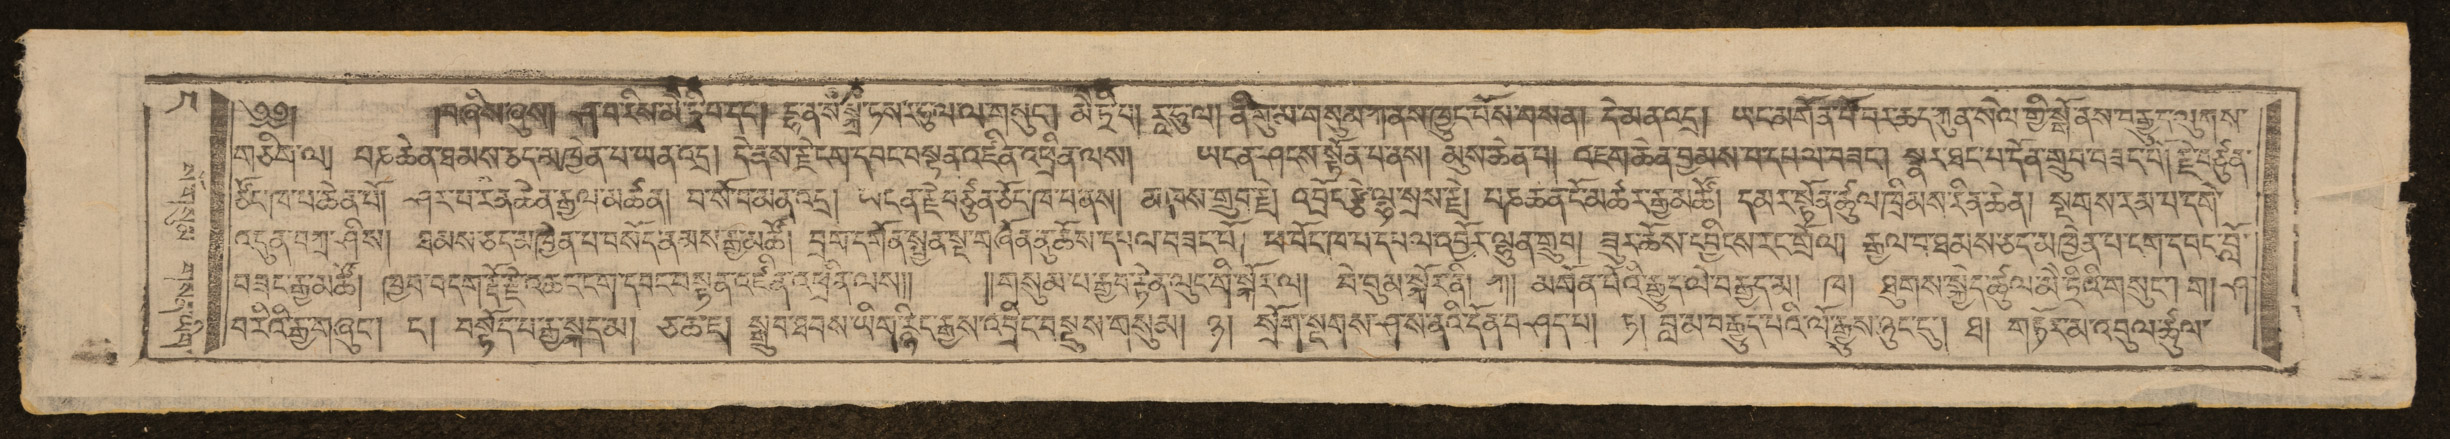༄༅། །བཞིས་ཞུས། ཤ་བ་རིས་མཻ་ཏྲི་པ་དང་། དྷ་ན་སཾ་སྐྲྀ་ཏས་ར་ཧུ་ལ་ལ་གསུང་། མཻ་ཏྲི་པ། རཱ་ཧུ་ལ། ནི་གུ་མ་གསུམ་ཀ་ནས་ཁྱུང་བོས་གསན། དེ་མན་འདྲ། ཡང་མགོན་པོ་པར་རླད་ཀུན་སེལ་གྱི་སྒོ་ནས་བརྒྱུད་ལུགས་
གཅིག་ལ། པཎ་ཆེན་ཐམས་ཅད་མཁྱེན་པ་ཡན་འདྲ། དེ་ནས་རྗེ་ངག་དབང་བསྟན་འཛིན་འཕྲིན་ལས། ཡང་ན་ཤངས་སྟོན་པ་ནས། མུས་ཆེན་པ། འཇག་ཆེན་བྱམས་པ་དཔལ་བཟང་། སྣར་ཐང་བ་དོན་གྲུབ་བཟང་པོ། རྗེ་བཙུན་
ཙོང་ཁ་པ་ཆེན་པོ། ཤར་པ་རིན་ཆེན་རྒྱལ་མཚན། བ་སོ་བ་མན་འདྲ། ཡང་ན་རྗེ་བཙུན་ཅོང་ཁ་བ་ནས། མཁས་གྲུབ་རྗེ། འབྲོང་རྩེ་ལྷ་སྲས་རྗེ། པཎ་ཆན་ངོ་མཚར་རྒྱ་མཚོ། དམར་སྟོན་ཚུལ་ཁྲིམས་རིན་ཆེན། སྔགས་རམ་པ་དགེ་
འདུན་བཀྲ་ཤིས། ཐམས་ཅད་མཁྱེན་པ་བསོད་ནམས་རྒྱ་མཚོ། བྲག་དགོན་སྤྱན་སྔ་གཞོན་ནུ་ཆོས་དཔལ་བཟང་པོ། ཕ་བོང་ཁ་པ་དཔལ་འབྱོར་ལྷུན་གྲུབ། ཟུར་ཆོས་དབྱིངས་རང་གྲོལ། རྒྱལ་བ་ཐམས་ཅད་མཁྱེན་པ་ངག་དབང་བློ་
བཟང་རྒྱ་མཚོ། ཁྱབ་བདག་རྡོ་རྗེ་འཆང་ངག་དབང་བསྟན་འཛིན་འཕྲིན་ལས།། །།གསུམ་པ་རྒྱབ་རྟེན་ལུང་གི་སྐོར་ལ། བེ་བུམ་སྐོར་ནི། ཀ། མགོན་པོའི་རྒྱུད་ལེ་བརྒྱད་མ། ཁ། ཐུགས་སྐྱེད་ཚུལ་མཻ་ཏྲིའི་གསུང་། ག། ཤ་
བ་རིའི་རྒྱ་གཞུང་། ང་། བསྟོད་པ་རྒྱ་སྐད་མ། ཅ་ཆ་ཇ། སྒྲུབ་ཐབས་ཡིག་རྙིང་རྒྱས་འབྲིང་བསྡུས་གསུམ། ཉ། སྲོག་སྔགས་ཤ་ས་ནའི་དོན་བཤད་པ། ཏ། བླ་མ་བརྒྱུད་པའི་ལོ་རྒྱུས་ཉུང་དུ། ཐ། གཏོར་མ་འདུལ་ཚུལ་